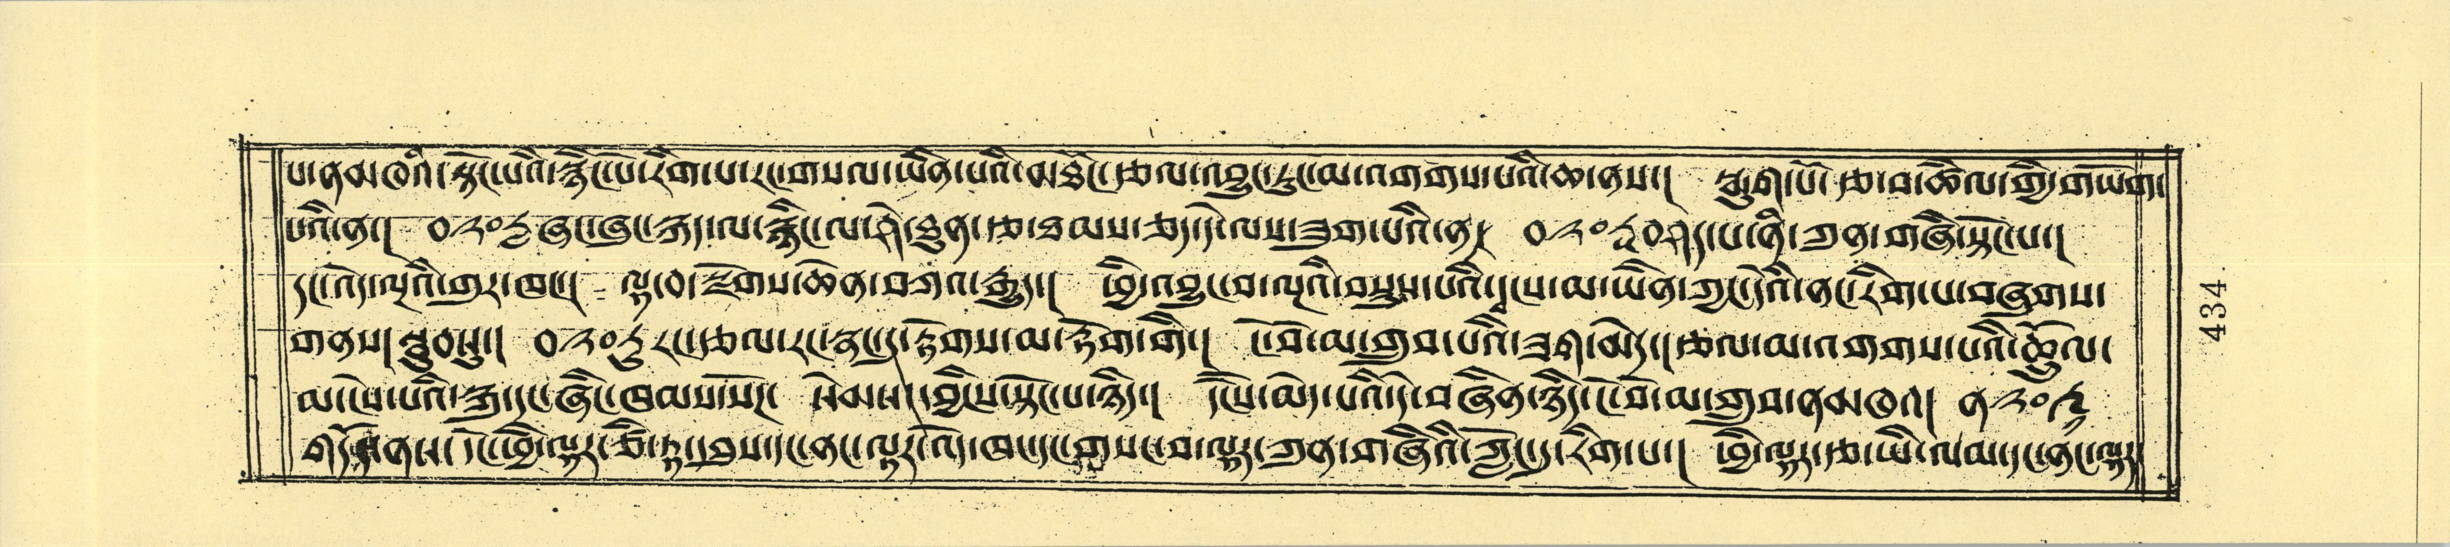པ་ནམ་མཁའི་སྟོང་པའི་སྙིང་པོ་རང་གསལ་ཡིན་པའི་མཐོང་རྩལ་འབྱུང་རུང་མ་འགག་པའི་ཆ་ནས་ སྨུག་པོ་རྩ་བ་ཚིལ་གྱིས་གཡོགས་
པས་ན། བ༢༠༨།༤ཞང་ཞུང་སྐད་ལ་སྙིང་ལ་ཤེ་ཐུན་རྩ་ཐམས་ཅད་དེ་ལ་ཟུག་པས་ན་ བ༢༠༨།༥་བཤད་པ་ནི་ཀུན་གཞི་སྟོང་པ་
དང་འོད་ལྔའི་གུར་ཁང་ ལྟ་བ་རྫོགས་ཆེན་བཀའ་བརྒྱུད། ཕྱི་འབྱུང་བ་ལྔ་ཡིས་བསྡུས་པའི་དྭངས་མ་ཡིན་ཀྱང་དེའི་ནང་རིག་པ་བཞུགས་
གནས་༼སྦུབས་སུ༽བ༢༠༨།༦རང་རྩལ་རང་སྣང་དུ་རྟོགས་མ་རྟོགས་ཀྱིས་ ངོ་བོ་མ་གྲུབ་པའི་ཟག་མེད་རྩལ་མ་འགག་པས་ཆོ་འཕྲུལ་
མ་ངེས་པའི་སྐུ་དང་ཞིང་ཁམས་སོགས་ སེམས་དབྱིངས་སྟོང་པ་ཉིད། དངོས་པོ་མེད་པའི་དེ་བཞིན་ཉིད་ངོ་བོ་མ་གྲུབ་ནམ་མཁའ་ ན༢༠༩།༡
གདོད་ནས་དང་པོ་ཕྱི་ལྟར་ཙིརྟ་དབུས་དང་ནང་ལྟར་འོད་ཁང་དང་གསང་བ་ལྟར་ཀུན་གཞིའི་ཀློང་དུ་རིག་པ། ཕྱི་ལྟར་རྩ་ཡི་ལམ་དང་ནང་ལྟར་